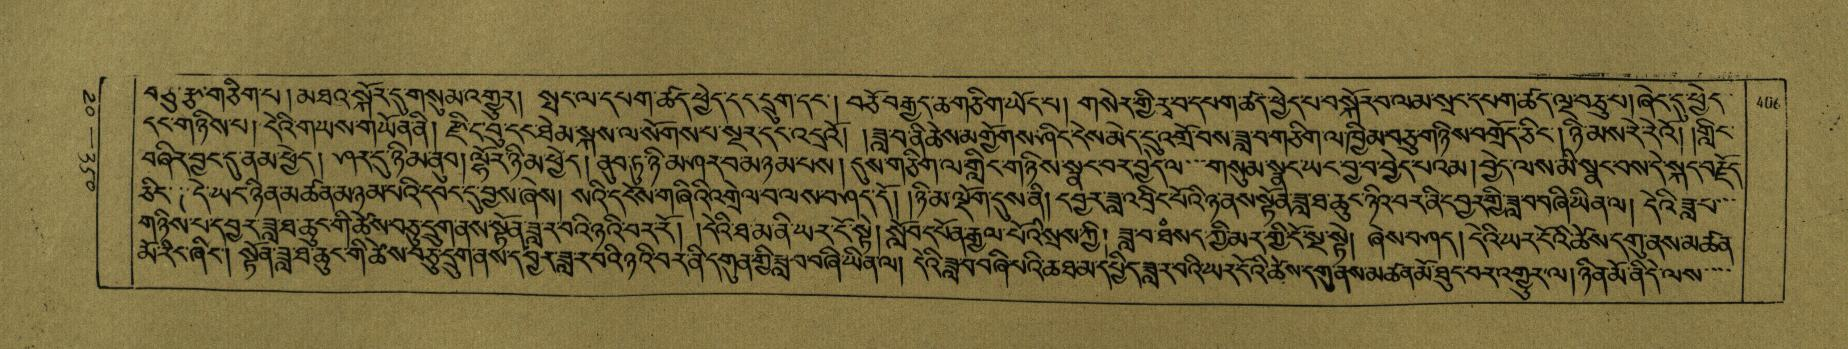བཅུ་རྩ་གཅིག་པ། མཐའ་སྐོར་དུ་གསུམ་འགྱུར། སྤང་ལ་དཔག་ཚད་ཕྱེད་དང་དྲུག་དང་། བཅོ་བརྒྱད་ཆ་གཅིག་ཡོད་པ། གསེར་གྱི་རྭ་བ་དཔག་ཚད་ཕྱེད་པ་བསྐོར་བ་ལམ་སྲང་དཔག་ཚད་ལྔ་བཅུ་པ། ཞེང་དུ་ཕྱེད་
དང་གཉིས་པ། དེའི་གཡས་གཡོན་ནི། རྫིང་བུ་དང་ཐེམ་སྐས་ལ་སོགས་པ་སྔར་དང་འདྲའོ། །ཟླ་བ་ནི་ཆེས་མགྱོགས་ཤིང་དེས་མེད་དུ་འགྲོ་བས་ཟླ་བ་གཅིག་ལ་ཁྱིམ་བཅུ་གཉིས་བགྲོད་ཅིང་། ཉི་མས་རེ་རེའོ། །གླིང་
བཞིར་བྱང་དུ་ནམ་ཕྱེད། ཤར་དུ་ཉི་མ་ནུབ། ལྷོར་ཉི་མ་ཕྱེད། ནུབ་ཏུ་ཉི་མ་ཤར་བ་མཉམ་པས། དུས་གཅིག་ལ་གླིང་གཉིས་སྣང་བར་བྱེད་ལ། གསུམ་སྣང་ཡང་བྱ་བ་བྱེད་པའམ། བྱེད་ལས་མི་སྣང་བས་དེ་སྐད་བརྗོད་
ཅིང༑ དེ་ཡང་ཉིན་མཚན་མཉམ་པའི་དབང་དུ་བྱས་ཞེས། སའི་དངོས་གཞིའི་འགྲེལ་བ་ལས་བཤད་དོ། །ཉི་མ་ལྡོག་དུས་ནི། དབྱར་ཟླ་འབྲིང་པོའི་ཉ་ནས་སྟོན་ཟླ་ཐ་ཆུང་ཉའི་བར་ནི་དབྱར་གྱི་ཟླ་བ་བཞི་ཡིན་ལ། དེའི་ཟླ་བ་
གཉིས་པ་དབྱར་ཟླ་ཐ་ཆུང་གི་ཚེས་བཅུ་དྲུག་ནས་སྟོན་ཟླ་ར་བའི་ཉའི་བར་རོ། །དེའི་ཐ་མ་ནི་ཡར་ངོ་སྟེ། སློབ་དཔོན་རྒྱལ་པོའི་སྲས་ཀྱི། ཟླ་བ་ཐཾསད་ཀྱི་མར་གྱི་ངོ་སྔ་སྟེ། ཞེས་བཤད། དེའི་ཡར་ངོའི་ཚེས་དགུ་ནས་མཚན་
མོ་རིང་ཞིང་། སྟོན་ཟླ་ཐ་ཆུང་གི་ཚེས་བཅུ་དྲུག་ནས་དབྱར་ཟླ་ར་བའི་ཉའི་བར་ནི་དགུན་གྱི་ཟླ་བ་བཞི་ཡིན་ལ། དེའི་ཟླ་བ་བཞི་པའི་ཆ་ཐ་མ་དཔྱིད་ཟླ་ར་བའི་ཡར་ངོའི་ཚེས་དགུ་ནས་མཚན་མོ་ཐུང་བར་འགྱུར་ལ། ཉིན་མོ་ནི་དེ་ལས་